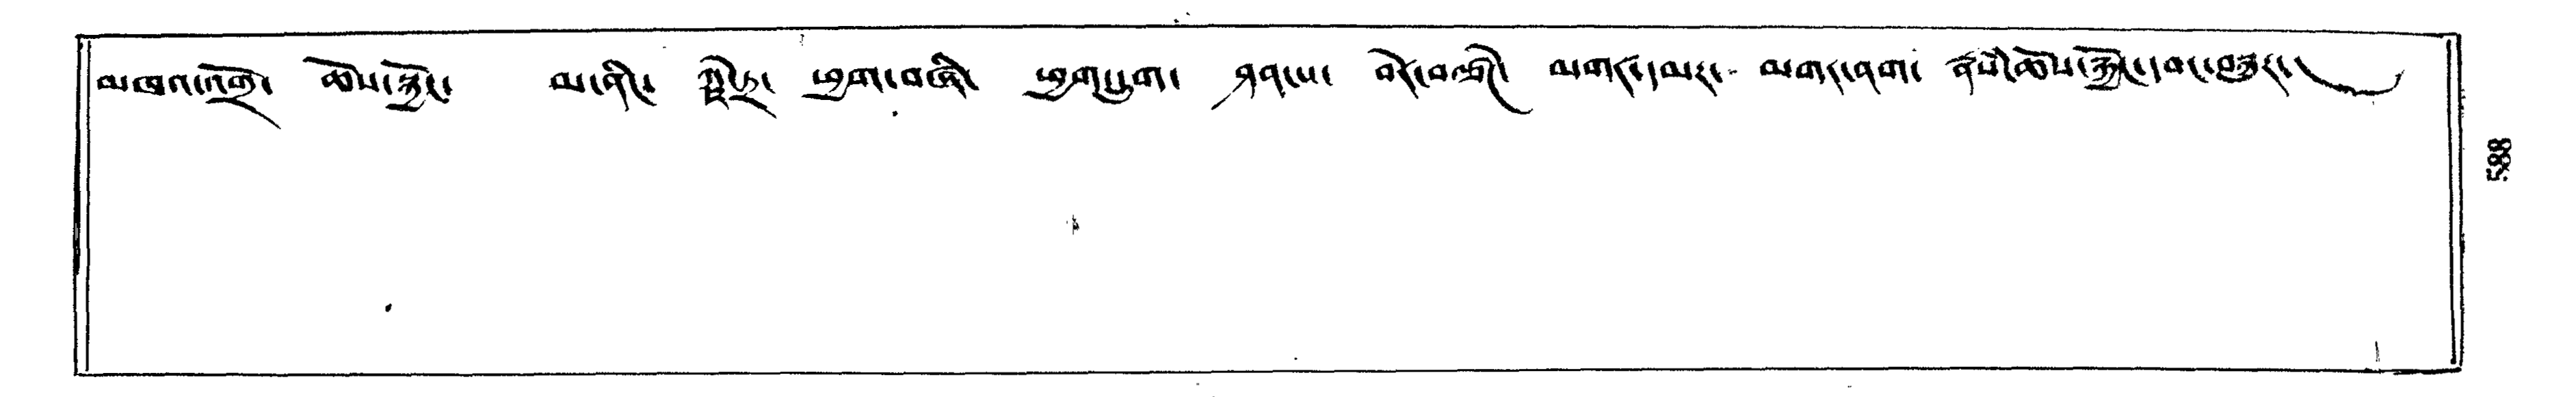མཁའ་འགྲོ། ཆོས་སྐྱོང་། མ་ནིང་། ཀྵེ་ཏྲ། ཕྱག་བཞི། ཕྱག་དྲུག ཤན་པ། བེར་བརྩེགས། མགར་དམར། མགར་ནག་རྣམས་ཆོས་སྐྱོང་དབང་བསྐུར།